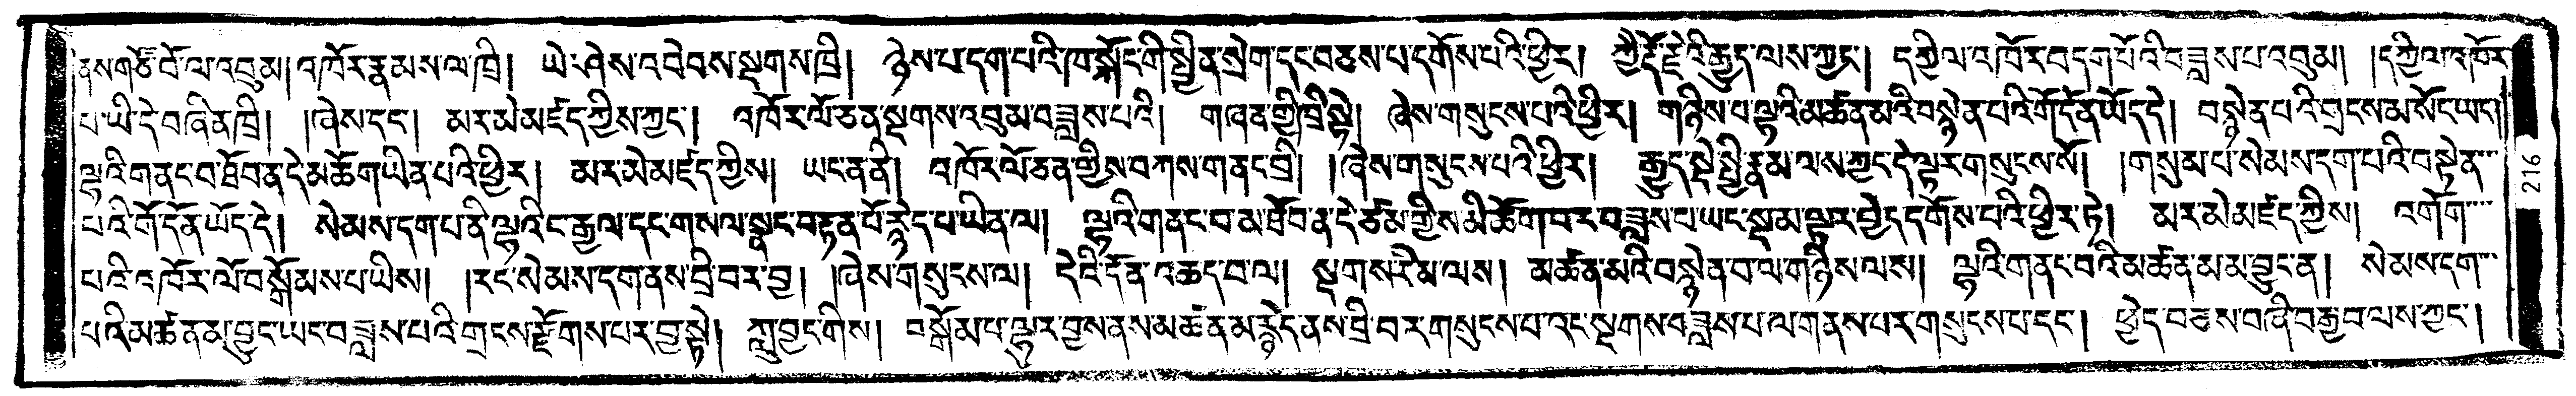ནས་གཙོ་བོ་ལ་འབུམ། འཁོར་རྣམས་ལ་ཁྲི། ཡེ་ཤེས་འབེབས་སྔགས་ཁྲི། ཉེས་པ་དག་པའི་ཁ་སྐོང་གི་སྦྱིན་སྲེག་དང་བཅས་པ་དགོས་པའི་ཕྱིར། ཀྱཻ་རྡོ་རྗེའི་རྒྱུད་ལས་ཀྱང་། དཀྱིལ་འཁོར་བདག་པོའི་བཟླས་པ་འབུམ། །དཀྱིལ་འཁོར་
པ་ཡི་དེ་བཞིན་ཁྲི། །ཞེས་དང་། མར་མེ་མཛད་ཀྱིས་ཀྱང་། འཁོར་ལོ་ཅན་སྔགས་འབུམ་བཟླས་པའི། གཞན་གྱི་ཁྲི་སྟེ། ཞེས་གསུངས་པའི་ཕྱིར། གཉིས་པ་ལྟའི་མཚན་མའི་བསྙེན་པའི་གོ་དོན་ཡོད་དེ། བསྙེན་པའི་གྲངས་མ་སོང་ཡང་།
ལྷའི་གནང་བ་ཐོབ་ན་དེ་མཆོག་ཡིན་པའི་ཕྱིར། མར་མེ་མཛད་ཀྱིས། ཡང་ན་ནི། འཁོར་ལོ་ཅན་གྱིས་བཀས་གནང་བྲི། །ཞེས་གསུངས་པའི་ཕྱིར། རྒྱུད་སྡེ་སྤྱི་རྣམ་ལས་ཀྱང་དེ་ལྟར་གསུངས་སོ། །གསུམ་པ་སེམས་དག་པའི་བསྟེན་
པའི་གོ་དོན་ཡོད་དེ། སེམས་དག་པ་ནི་ལྷའི་ང་རྒྱལ་དང་གསལ་སྣང་བརྟན་པོ་རྙེད་པ་ཡིན་ལ། ལྷའི་གནང་བ་མ་ཐོབ་ན་དེ་ཙམ་གྱིས་མི་ཆོག་པར་བཟླས་པ་ཡང་སྔ་མ་ལྟར་བྱེད་དགོས་པའི་ཕྱིར་ཏེ། མར་མེ་མཛད་ཀྱིས། འགོག་
པའི་འཁོར་ལོ་བསྒོམས་པ་ཡིས། །རང་སེམས་དག་ནས་བྲི་བར་བྱ། །ཞེས་གསུངས་ལ། དེའི་དོན་འཆད་པ་ལ། སྔགས་རིམ་ལས། མཚན་མའི་བསྙེན་པ་ལ་གཉིས་ལས། ལྷའི་གནང་བའི་མཚན་མ་མ་བྱུང་ན། སེམས་དག་
པའི་མཚན་མ་བྱུང་ཡང་བཟླས་པའི་གྲངས་རྫོགས་པར་བྱ་སྟེ། ཀླུ་བྱང་གིས། བསྒོམ་པ་ལྷུར་བྱས་ནས་མཚན་མ་རྙེད་ནས་བྲི་བར་གསུངས་པ་འང་སྔགས་བཟླས་པ་ལ་གནས་པར་གསུངས་པ་དང་། ཕྱེད་བཅས་བཞི་བརྒྱ་བ་ལས་ཀྱང་།